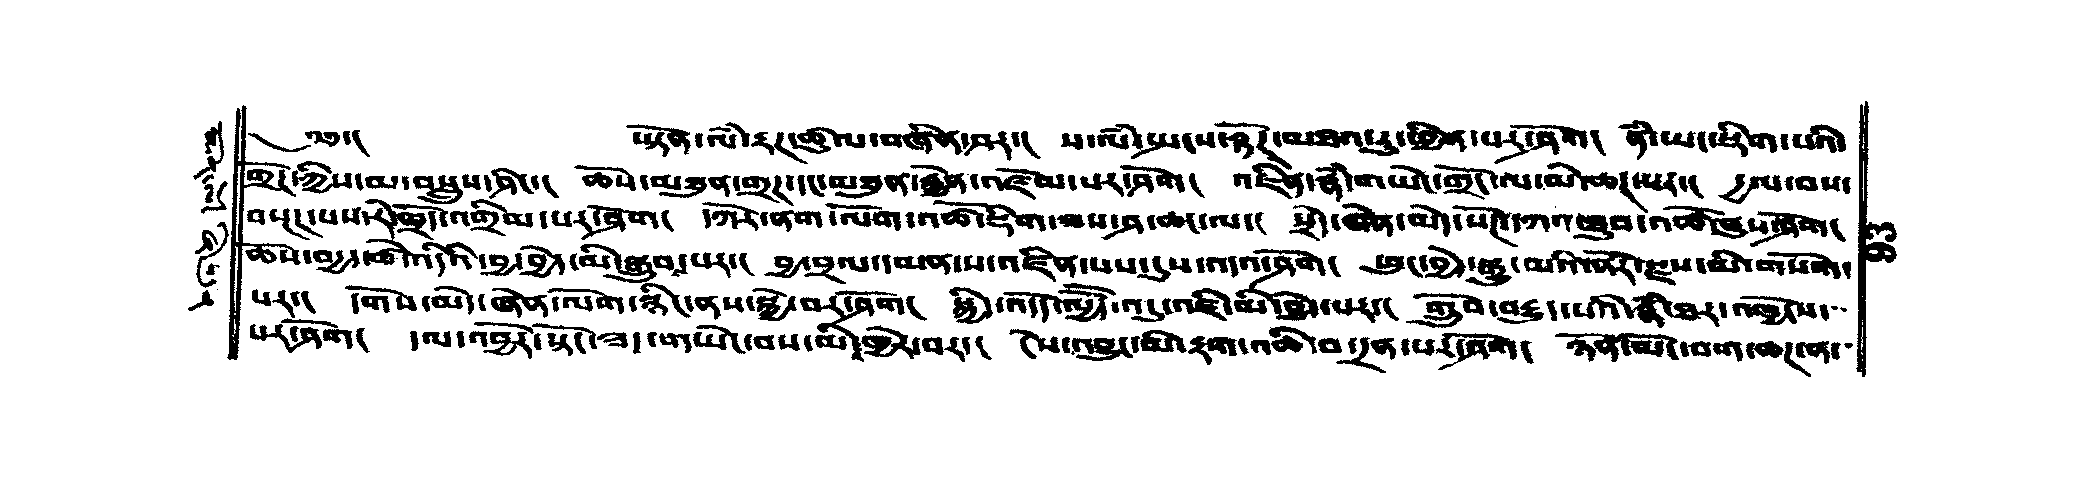ཡོན་ཏན་ལམ་རྟགས་ཚུལ་བཞིན་ཤར། །ས་ལམ་སྤངས་རྟོགས་མཐའ་རུ་ཕྱིན་པར་ཤོག།ནམ་ཡང་སྡིག་པའི་
གྲོགས་ཀྱིས་མ་བསླུས་ཤིང་། །ཆོས་མཐུན་གྲོགས་དང་མཐུན་རྐྱེན་འཛོམ་པར་ཤོག །འཇིག་རྟེན་རྣམ་གཡེང་གྲོང་ལ་མི་ཆགས་པར། རྒྱལ་བས་
བསྔགས་པའི་རི་ཁྲོད་འགྲིམ་པར་ཤོག །དཀོར་ནག་ལོག་འཚོ་སྡིག་ཟས་ཤ་ཆང་ལ། །སྲེད་ཞེན་མེད་སོགས་དཀའ་ཐུབ་འཚོ་ནུས་ཤོག །
ཆོས་བརྒྱད་ཚེ་འདིའི་བྱ་བྱེད་མི་བསྒྲུབ་པར། །བྱ་བྲལ་དམན་ས་འཛིན་པས་དུས་འདའ་ཤོག །ཕུང་བྱེད་སྒྱུ་མའི་ནོར་རྫས་མི་གསོག་
པར། །དགོས་མེད་ཞེན་ལོག་སྙིང་ནས་སྐྱེ་བར་ཤོག །སྐྱིད་འདོད་ལོངས་སྤྱོད་འདུ་འཛི་མི་བྱེད་པར། །གྲུབ་ཐོབ་བརྒྱུད་པའི་རྣམ་ཐར་འཁྱོངས་
པར་ཤོག །དལ་འབྱོར་སྟོང་ཟད་གཡེངས་བ་མི་འཁྱེར་བར། །ངེས་འབྱུང་མི་རྟག་འཆི་བ་དྲན་པར་ཤོག །ཉོན་མོང་བག་ཆགས་ནད་